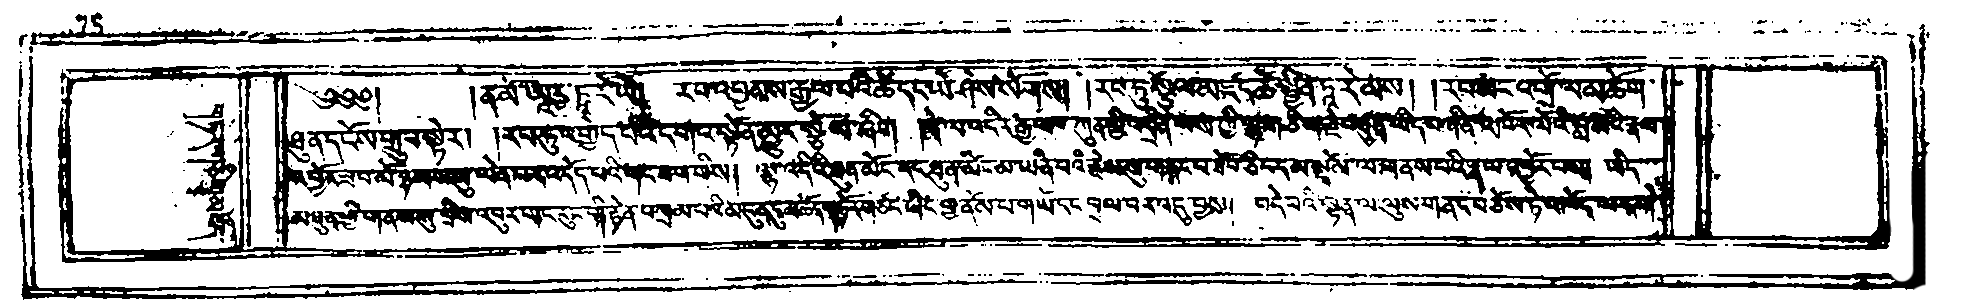༄༅༅། །ན་མོ་ཨཱརྱ་ཏཱ་རེ་ཡེ། རབ་འབྱམས་རྒྱལ་བའི་ཚེ་དང་ཡེ་ཤེས་སོགས། །རབ་ཏུ་སྩོལ་མཛད་ཚེ་སྦྱིན་ཏཱ་རེ་མས། །རབ་མང་འགྲོ་ལ་མཆོག་
ཐུན་དངོས་གྲུབ་སྟེར། །རབ་ཏུ་འགྱེད་པའི་དགའ་སྟོན་མྱུར་སྩོལ་ཞིག །དེ་ལ་འདིར་རྒྱལ་བ་ཀུན་གྱི་འཕྲིན་ལས་ཀྱི་ལྷ་གཅིག་རྗེ་བཙུན་ཡིད་བཞིན་འཁོར་ལོའི་བླ་མའི་རྣལ་
འབྱོར་ཟབ་མོ་ཉམས་སུ་ལེན་པར་འདོད་པའི་གང་ཟག་གིས། ལྷ་འདིའི་ཐུན་མོང་དང་ཐུན་མོང་མ་ཡིན་པའི་རྗེས་སུ་གནང་བ་ཐོབ་ཅིང་དམ་སྡོམ་ལ་གནས་པའི་རྣལ་འབྱོར་བས། ཡིད་
མཐུན་གྱི་གནས་སུ་བྲིས་འབུར་གང་རུང་གི་རྟེན་བཀྲམ་པའི་མདུན་དུ་མཆོད་གཏོར་གཙང་ཞིང་གྱ་ནོམ་པ་གཡོ་དང་བྲལ་བར་འདུ་བྱས། བདེ་བའི་སྟན་ལ་ལུས་གནད་བཅོས་ཏེ་འཁོད་ལ་དགེ་